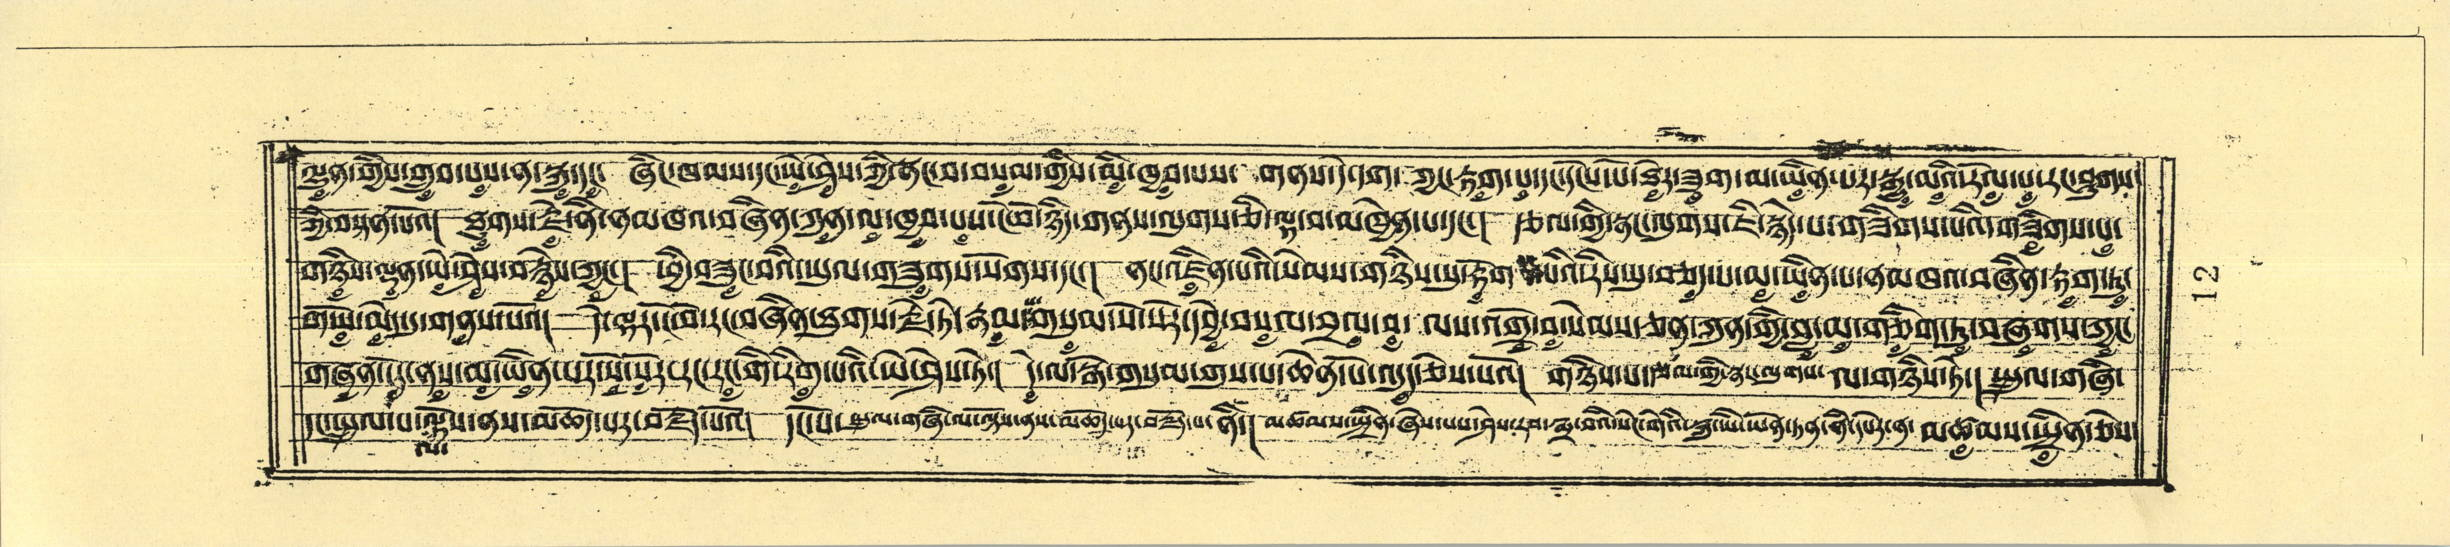ལྷུན་གྱིས་གྲུབ་པས་ན་སྐུ་དང་། ཞིང་ཁམས་དང་ཡེ་ཤེས་ཀྱི་སྣང་བ་བསམ་གྱིས་མི་ཁྱབ་པས། གནས་དེ་དག་ཀྱང་རྟག་པ་དང་དངོས་པོ་ཐེར་ཟུག་མ་ཡིན་པར་སྒྱུ་མའི་རོལ་པ་རང་ཤུགས་
ཀྱི་བསྟན་པའོ། ཐུགས་རྗེ་ནི་ནམ་མཁའ་བཞིན་དུ་ཀུན་ལ་ཁྱབ་པས་ངོ་བོ་ཉིད་གནས་ལུགས་ཅི་ལྟ་བ་མཁྱེན་པ་དང་། རྩལ་གྱི་སྣང་ལུགས་ཇི་སྙེད་པ་གཟིགས་པའིགཟིགས་པ་
གཉིས་ལྡན་ཡེ་ཤེས་བརྙེས་ཀྱང་། ཕྱི་གཟུང་བའི་ཡུལ་གཟུགས་སོགས་དང་། ནང་འཛིན་པའི་སེམས་གཉིས་སུ་རྟོག་པའི་རིས་སུ་བཅད་པ་མ་ཡིན་པ་ནམ་མཁའ་བཞིན་རྟག་ཏུ་
གཡོ་མེད་དུ་གནས་པའོ། དེ་ལྟར་ངོ་བོ་རང་བཞིན་ཐུགས་རྗེ་སྟེ་རྣམ་པ་གསུམ་སོ་སོར་དབྱེ་བསལ་བྲལ་བ་ལས་འགྲོ་བ་སེམས་ཅན་ཀུན་གྱི་བླ་མ་གཅིག་ཏུ་བཞུགས་ཀྱང་
གཞན་ངོར་ནས་མ་ཡིན་པར་སོ་སོར་རང་གི་རིག་པའི་ཡེ་ཤེས་ཏེ། དེ་ལ་སྒོ་གསུམ་གུས་པ་ཆེན་པོ་འདུད་ཅེས་པའོ། །གཉིས་པ་༼རྩལ་གྱི་སྣང་ལུགས༽ལ་གཉིས་ཏེ། སྤྲུལ་གཞི་
དང་སྤྲུལ་པ་ལ་ལྟོས་ནས་མཆོད་པར་བརྗོད་པའོ། དང་པོ་༼སྤྲུལ་གཞི་ལ་ལྟོས་ནས་མཆོད་པར་བརྗོད་པ༽ནི། ༼མཚམས་སྤྲིན་ཞེས་པས་ཤེས་རབ་སྨྲ་བའི་སེང་གེའི་སྐུ་ཡི་ཡོན་ཏན་ནི་དཔེར་ན༽མཚམས་སྤྲིན་ཅེས་